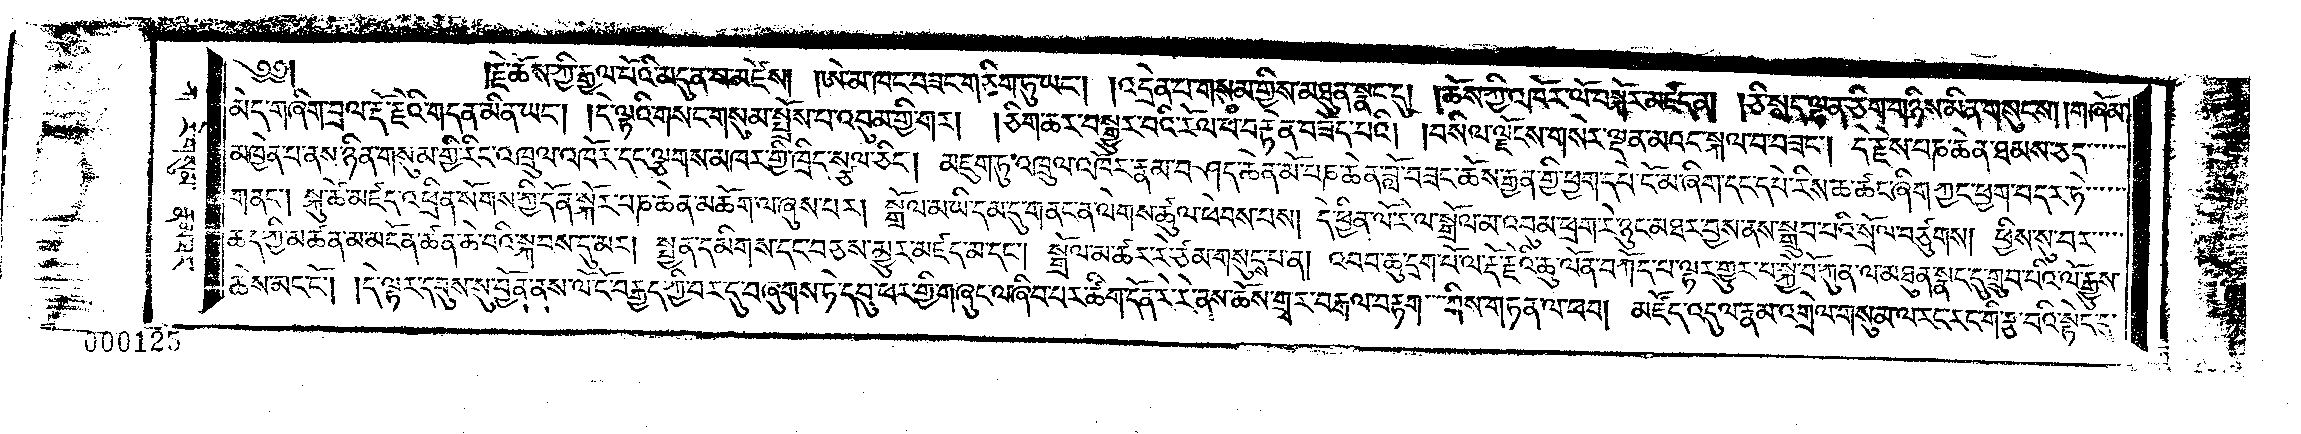༄༅། །རྗེ་ཆོས་ཀྱི་རྒྱལ་པོའི་མདུན་ས་མཛེས། །ཨེ་མ་ཁང་བཟང་གཅིག་ཏུ་ཡང་། །འདྲེན་པ་གསུམ་གྱིས་མཐུན་སྣང་དུ། །ཆོས་ཀྱི་འཁོར་ལོ་བསྐོར་མཛད་ན། །ཅི་སླད་ལྷན་ཅིག་གཉིས་མིན་གསུངས། །གཞོམ་
མེད་གཞིག་བྲལ་རྡོ་རྗེའི་གདན་མིན་ཡང་། །དེ་ལྟའི་གསང་གསུམ་སྤྲོས་པ་འབུམ་གྱི་གར། །ཅིག་ཆར་བསྒྱུར་བའི་རིལ་པ་བརྟེན་བཟོད་པའི། །བསིལ་ལྗོངས་གསེར་ལྡན་མའང་སྐལ་བ་བཟང་། དེ་རྗེས་པཎ་ཆེན་ཐམས་ཅད་
མཁྱེན་པ་ནས་ཉིན་གསུམ་གྱི་རིང་འཁྲུལ་འཁོར་དང་ལྕགས་མཁར་གྱི་ཁྲིད་སྩལ་ཅིང་། མཇུག་ཏུ་འཁྲུལ་འཁོར་རྣམ་བཤད་ཆེན་མོ་པཎ་ཆེན་བློ་བཟང་ཆོས་རྒྱན་གྱི་ཕྱག་དཔེ་ངོ་མ་ཞིག་དང་དཔེ་རིས་ཆ་ཚང་ཞིག་ཀྱང་ཕྱག་བདར་ཏེ་
གནང་། སྐུ་ཚེ་མཛད་འཕྲིན་སོགས་ཀྱི་དོན་སྐོར་པཎ་ཆེན་མཆོག་ལ་ཞུས་པར། སྒྲོལ་མ་ཡི་དམ་དུ་གནང་ན་ལེགས་ཚུལ་ཕེབས་པས། དེ་ཕྱིན་ལོ་རེ་ལ་སྒྲོལ་མ་འབུམ་ཕྲག་རེ་ཉུང་མཐར་བྱས་ནས་སྒྲུབ་པའི་སྲོལ་བཙུགས། ཕྱིས་སུ་བར་
ཆད་ཀྱི་མཚན་མ་མངོན་ཚན་ཆེ་བའི་སྐབས་དུ་མར། སྤྱན་དམིགས་དང་བཅས་མྱུར་མཛད་མ་དང་། སྒྲོལ་མ་ཚར་རེ་ཙམ་གསུངས་པ་ན། འབབ་ཆུ་དྲག་པོ་ལ་རྡོ་རྗེའི་ཆུ་ལོན་བཀོད་པ་ལྟར་གྱུར་པ་སྐྱེ་བོ་ཀུན་ལ་མཐུན་སྣང་དུ་གྲུབ་པའི་ལོ་རྒྱུས་
ཆེས་མང་ངོ། །དེ་ལྟར་དབུས་སུ་བྱོན་ནས་ལོ་ངོ་བརྒྱད་ཀྱི་བར་དུ་བཞུགས་ཏེ་དབུ་ཕར་གྱི་གཞུང་ལ་ཞིབ་པར་ཚིག་དོན་རེ་རེ་ནས་ཆོས་གྲྭར་བརྒལ་བརྟག་ཀྲིས་གཏན་ལ་ཕབ། མཛོད་འདུལ་རྣམ་འགྲེལ་གསུམ་ལ་རང་རང་གི་རྩ་བའི་སྟེང་དུ་